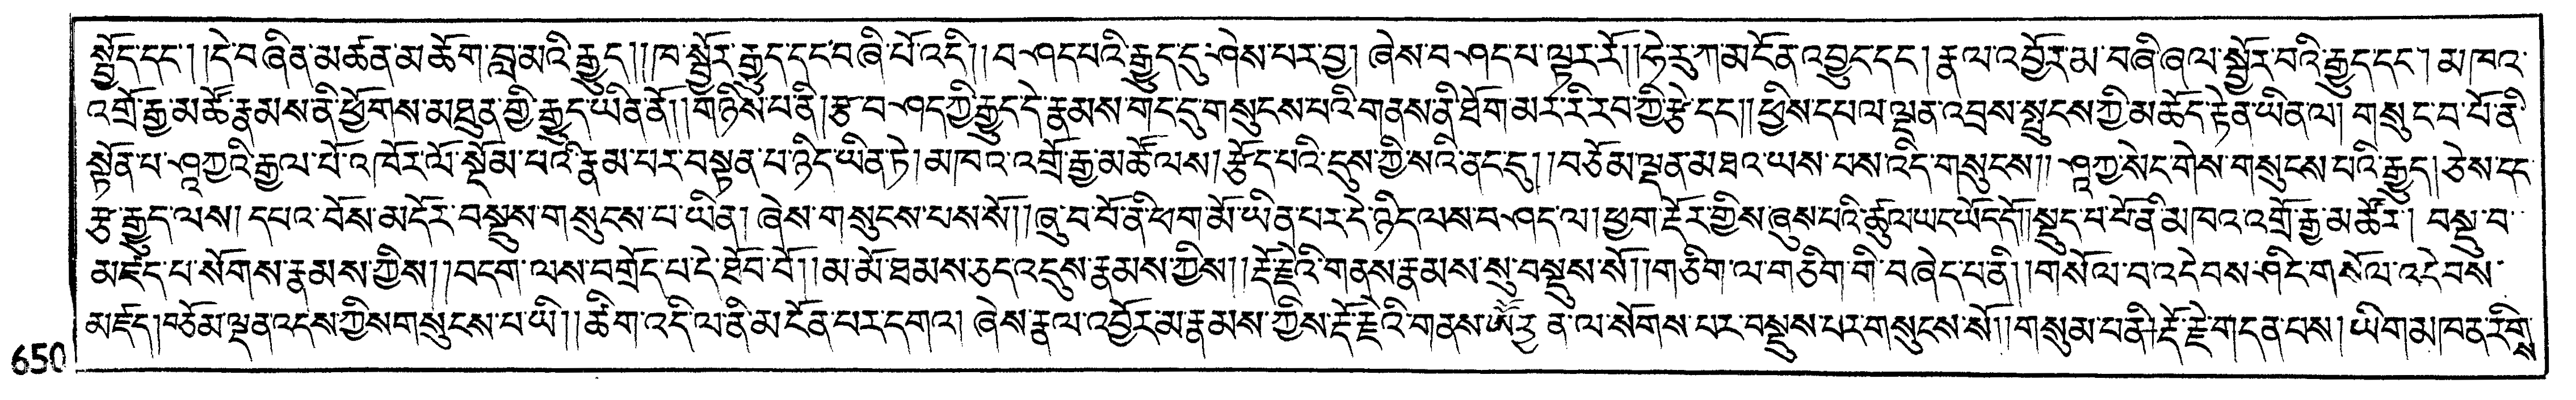སྤྱོད་དང་། །དེ་བཞིན་མཚན་མཆོག་བླ་མའི་རྒྱུད། །ཁ་སྦྱོར་རྒྱུད་དང་བཞི་པོ་འདི། །བཤད་པའི་རྒྱུད་དུ་ཤེས་པར་བྱ། ཞེས་བཤད་པ་ལྟར་རོ། །ཧེ་རུ་ཀ་མངོན་འབྱུང་དང་། རྣལ་འབྱོར་མ་བཞི་ཞལ་སྦྱོར་བའི་རྒྱུད་དང་། མཁའ་
འགྲོ་རྒྱ་མཚོ་རྣམས་ནི་ཕྱོགས་མཐུན་གྱི་རྒྱུད་ཡིན་ནོ། །གཉིས་པ་ནི། རྩ་བཤད་ཀྱི་རྒྱུད་དེ་རྣམས་གང་དུ་གསུངས་པའི་གནས་ནི་ཐོག་མར་རི་རབ་ཀྱི་རྩེ་དང་། །ཕྱིས་དཔལ་ལྡན་འབྲས་སྤུངས་ཀྱི་མཆོད་རྟེན་ཡིན་ལ། གསུང་བ་པོ་ནི་
སྟོན་པ་ཤཱཀྱའི་རྒྱལ་པོ་འཁོར་ལོ་སྡོམ་པའི་རྣམ་པར་བསྟན་པ་ཉིད་ཡིན་ཏེ། མཁའ་འགྲོ་རྒྱ་མཚོ་ལས། རྩོད་པའི་དུས་ཀྱི་སའི་ནང་དུ། །བཅོམ་ལྡན་མཐའ་ཡས་པས་འདི་གསུངས། །ཤཱཀྱ་སེང་གེས་གསུངས་པའི་རྒྱུད། ཅེས་དང་
རྩ་རྒྱུད་ལས། དཔའ་བོས་མདོར་བསྡུས་གསུངས་པ་ཡིན། ཞེས་གསུངས་པས་སོ། །ཞུ་བ་པོ་ནི་ཕག་མོ་ཡིན་པར་དེ་ཉིད་ལས་བཤད་ལ། ཕྱག་རྡོར་གྱིས་ཞུས་པའི་ཚུལ་ཡང་ཡོད་དོ། །སྡུད་པ་པོ་ནི་མཁའ་འགྲོ་རྒྱ་མཚོར། བསྡུ་བ་
མཛད་པ་སོགས་རྣམས་ཀྱིས། །བདག་ལས་བགྲོད་པ་དེ་ཐོབ་བོ། །མ་མོ་ཐམས་ཅད་འདུས་རྣམས་ཀྱིས། །རྡོ་རྗེའི་གནས་རྣམས་སུ་བསྡུས་སོ། །གཅིག་ལ་གཅིག་གི་བཞེད་པ་ནི། །གསོལ་བ་འདེབས་ཤིང་གསོལ་འདེབས་
མཛད། བཅོམ་ལྡན་འདས་ཀྱིས་གསུངས་པ་ཡི། །ཚིག་འདི་ལ་ནི་མངོན་པར་དགའ། ཞེས་རྣལ་འབྱོར་མ་རྣམས་ཀྱིས་རྡོ་རྗེའི་གནས་ཨཽརྱ་ན་ལ་སོགས་པར་བསྡུས་པར་གསུངས་སོ། །གསུམ་པ་ནི། རྡོ་རྗེ་གདན་པས། ཡིག་མཁན་རིགས་